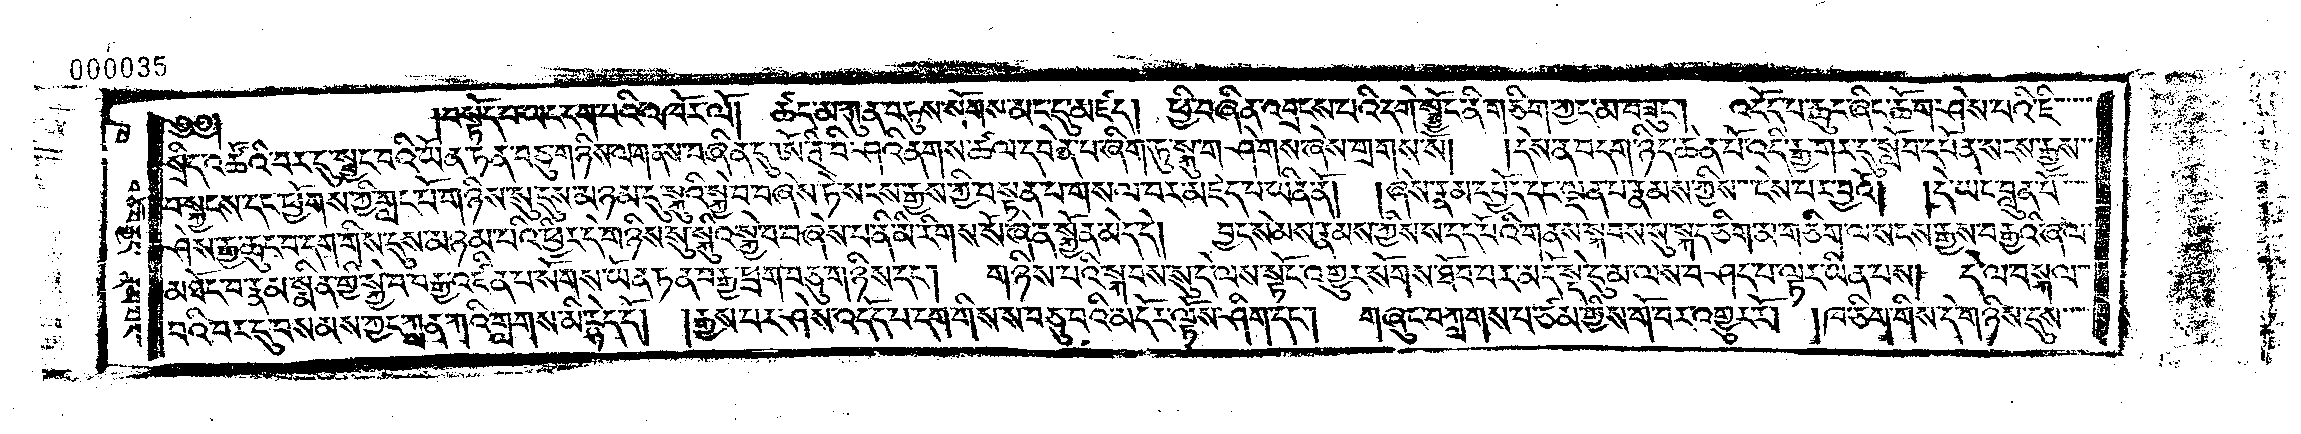༄༅། །བསྟོད་པ་ཡང་ངག་པའི་འཁོར་ལོ། ཚད་མ་ཀུན་བཏུས་སོགས་མང་དུ་མཛད། ཕྱི་བཞིན་འབྲངས་པའི་དགེ་སྦྱོང་ནི་གཅིག་ཀྱང་མ་བཟུང་། འདོད་པ་ཆུང་ཞིང་ཆོག་ཤེས་པའི་ཇི་
སྲིད་འཚོའི་བར་དུ་སྦྱང་བའི་ཡོན་ཏན་བཅུ་གཉིས་ལ་གནས་བཞིན་དུ་ཨོ་ཊི་བི་ཤའི་ནགས་ཚལ་དབེན་པ་ཞིག་ཏུ་སྐུ་གཤེགས་ཞེས་གྲགས་སོ། །དེས་ན་བདག་ཉིད་ཆེན་པོ་འདི་རྒྱ་གར་དུ་སློབ་དཔོན་སངས་རྒྱས་
བསྐྱངས་དང་ཕྱོགས་ཀྱི་གླང་པོ་གཉིས་སུ་དུས་མཉམ་དུ་སྐུའི་སྐྱེ་བ་བཞེས་ཏེ་སངས་རྒྱས་ཀྱི་བསྟན་པ་གསལ་བར་མཛད་པ་ཡིན་ནོ། །ཞེས་རྣམ་དཔྱོད་དང་ལྡན་པ་རྣམས་ཀྱིས་ངེས་པར་བྱའོ། །དེ་ཡང་བླུན་པོ་
ཤེས་རྒྱ་ཆུང་བ་དག་གིས་དུས་མཉམ་པའི་ཕྱིར་དེ་གཉིས་སུ་སྐུའི་སྐྱེ་བ་བཞེས་པ་ནི་མི་རིགས་སོ་ཞེ་ན་སྐྱོན་མེད་དེ། བྱང་སེམས་རྣམས་ཀྱིས་ས་དད་པོའི་གནས་སྐབས་སུ་སྐད་ཅིག་མ་གཅིག་ལ་སངས་རྒྱས་བརྒྱའི་ཞལ་
མཐོང་བ་རྣམ་སྨིན་གྱི་སྐྱེ་བ་བརྒྱ་འཛིན་པ་སོགས་ཡོན་ཏན་བརྒྱ་ཕྲག་བཅུ་གཉིས་དང་། གཉིས་པའི་སྐབས་སུ་དེ་ལས་སྟོང་འགྱུར་སོགས་ཐོབ་པར་མདོ་སྡེ་དུ་མ་ལས་བཤད་པ་ལྟར་ཡིན་པས། དེ་ལ་བསྐལ་
བའི་བར་དུ་བསམས་ཀྱང་ཀླན་ཀའི་གླགས་མི་རྙེད་དོ། །རྒྱས་པར་ཤེས་འདོད་པ་དག་གིས་ས་བཅུ་བའི་མདོར་ལྟོས་ཤིག་དང་། གཞུང་བཀླགས་པ་ཙམ་གྱིས་གོ་བར་འགྱུར་རོ། །ཁ་ཅིག་གིས་དེ་གཉིས་དུས་